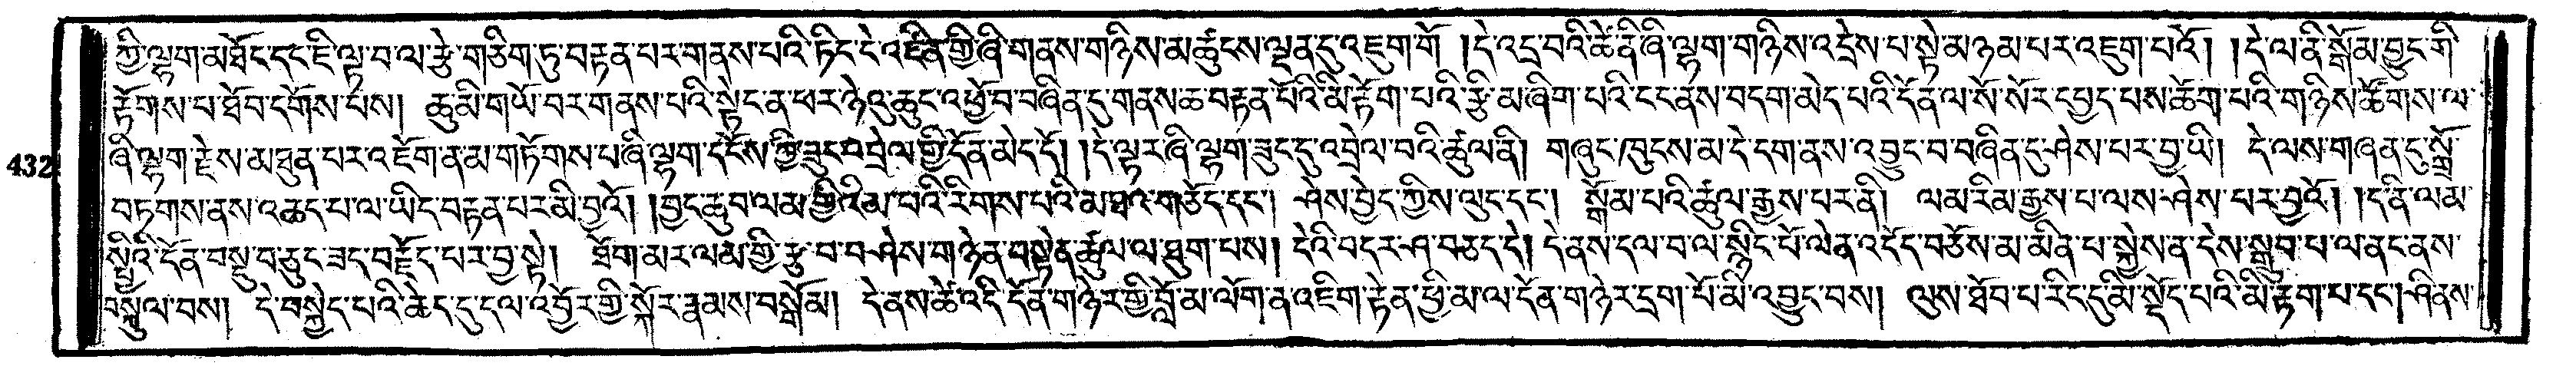ཀྱི་ལྷག་མཐོང་དང་ཇི་ལྟ་བ་ལ་རྩེ་གཅིག་ཏུ་བརྟན་པར་གནས་པའི་ཏིང་ངེ་འཛིན་གྱི་ཞི་གནས་གཉིས་མཚུངས་ལྡན་དུ་འཇུག་གོ། །དེ་འདྲ་བའི་ཚེ་ནི་ཞི་ལྷག་གཉིས་འདྲེས་པ་སྟེ་མཉམ་པར་འཇུག་པའོ། །དེ་ལ་ནི་སྒོམ་བྱུང་གི་
རྟོགས་པ་ཐོབ་དགོས་པས། ཆུ་མི་གཡོ་བར་གནས་པའི་སྟེང་ན་ཕར་ཉེའུ་ཆུང་འཕྱོ་བ་བཞིན་དུ་གནས་ཆ་བརྟན་པོའི་མི་རྟོག་པའི་རྩི་མ་ཞིག་པའི་ངང་ནས་བདག་མེད་པའི་དོན་ལ་སོ་སོར་དཔྱད་པས་ཆོག་པའི་གཉིས་ཚོགས་ལ་
ཞི་ལྷག་རྗེས་མཐུན་པར་འཇོག་ན་མ་གཏོགས་པ་ཞི་ལྷག་དངོས་ཀྱི་ཟུང་འབྲེལ་གྱི་དོན་མེད་དོ། །དེ་ལྟར་ཞི་ལྷག་ཟུང་དུ་འབྲེལ་བའི་ཚུལ་ནི། གཞུང་ཁུངས་མ་དེ་དག་ནས་འབྱུང་བ་བཞིན་དུ་ཤེས་པར་བྱ་ཡི། དེ་ལས་གཞན་དུ་སྒྲོ་
བཏགས་ནས་འཆད་པ་ལ་ཡིད་བརྟན་པར་མི་བྱའོ། །བྱང་ཆུབ་ལམ་གྱིའི་མ་པའི་རིགས་པའི་མཐའ་གཅོད་དང་། ཤེས་བྱེད་ཀྱིས་ལུང་དང་། སྒོམ་པའི་ཚུལ་རྒྱས་པར་ནི། ལམ་རིམ་རྒྱས་པ་ལས་ཤེས་པར་བྱའོ། །ད་ནི་ལམ་
སྤྱིའི་དོན་བསྡུ་བ་ཅུང་ཟད་བརྗོད་པར་བྱ་སྟེ། ཐོག་མར་ལམ་གྱི་རྩ་བ་བཤེས་གཉེན་བསྟེན་ཚུལ་ལ་ཐུག་པས། དེའི་བདར་ཤ་བཅད་དེ། དེ་ནས་དལ་བ་ལ་སྙིང་པོ་ལེན་འདོད་བཅོས་མ་མིན་པ་སྐྱེས་ན་དེས་སྒྲུབ་པ་ལ་ནང་ནས་
བསྐུལ་བས། དེ་བསྐྱེད་པའི་ཆེད་དུ་དལ་འབྱོར་གྱི་སྐོར་རྣམས་བསྒོམ། དེ་ནས་ཚེ་འདི་དོན་གཉེར་གྱི་བློ་མ་ལོག་ན་འཇིག་རྟེན་ཕྱི་མ་ལ་དོན་གཉེར་དྲག་པོ་མི་འབྱུང་བས། ལུས་ཐོབ་པ་རིང་དུ་མི་སྡོད་པའི་མི་རྟག་པ་དང་། ཤི་ནས་